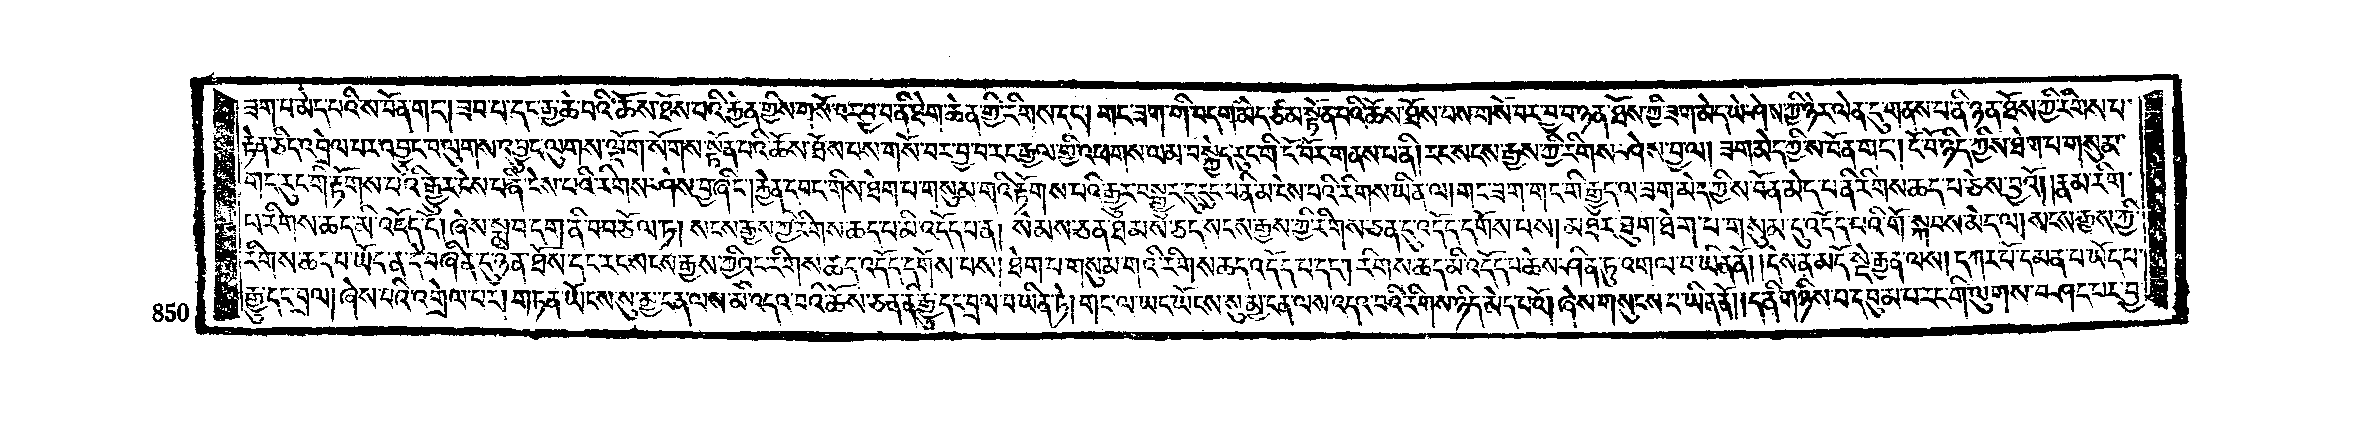ཟག་པ་མེད་པའི་ས་བོན་གང་། ཟབ་པ་དང་རྒྱ་ཆེ་བའི་ཆོས་ཐོས་པའི་རྐྱེན་གྱིས་གསོ་བར་བྱ་བ་ནི་ཐེག་ཆེན་གྱི་རིགས་དང་། གང་ཟག་གི་བདག་མེད་ཙམ་སྟོན་པའི་ཆོས་ཐོས་པས་གསོ་བར་བྱ་བ་ཉན་ཐོས་ཀྱི་ཟག་མེད་ཡེ་ཤེས་ཀྱི་ཉེར་ལེན་དུ་གནས་པ་ནི་ཉན་ཐོས་ཀྱི་རིགས་པ་
རྟེན་ཅིང་འབྲེལ་པར་འབྱུང་བ་ལུགས་འབྱུང་ལུགས་ལྡོག་སོགས་སྟོན་པའི་ཆོས་ཐོས་པས་གསོ་བར་བྱ་བ་རང་རྒྱལ་གྱི་འཕགས་ལམ་བསྐྱེད་རུང་གི་ངོ་བོར་གནས་པ་ནི། རང་སངས་རྒྱས་ཀྱི་རིགས་ཤེས་བྱ་ལ། ཟག་མེད་ཀྱི་ས་བོན་གང་། ངོ་བོ་ཉིད་ཀྱིས་ཐེག་པ་གསུམ་
གང་རུང་གི་རྟོགས་པའི་རྒྱུར་ངེས་པ་ནི་ངེས་པའི་རིགས་ཤེས་བྱ་ཞིང་། རྐྱེན་དབང་གིས་ཐེག་པ་གསུམ་གའི་རྟོགས་པའི་རྒྱུར་བསྒྱུར་དུ་རུང་པ་ནི་མ་ངེས་པའི་རིགས་ཡིན་ལ། གང་ཟག་གང་གི་རྒྱུད་ལ་ཟག་ཨེམད་ཀྱི་ས་བོན་མེད་པ་ནི་རིགས་ཆད་པ་ཅེས་བྱའོ། །རྣམ་རིག་
པ་རིགས་ཆད་མི་འདོད་དོ། ཞེས་སྨྲ་བ་དག་ནི་བབ་ཅོལ་ཏེ། སངས་རྒྱས་ཀྱི་རིགས་ཆད་པ་མི་འདོད་པ་ན། སེམས་ཅན་ཐམས་ཅད་སངས་རྒྱས་ཀྱི་རིགས་ཅན་དུ་འདོད་དགོས་པས། མཐར་ཐུག་ཐེག་པ་གསུམ་དུ་འདོད་པའི་གོ་སྐབས་མེད་ལ། སངས་རྒྱས་ཀྱི་
རིགས་ཆད་པ་ཡོད་ན་དེ་བཞིན་དུ་ཉན་ཐོས་དང་རང་སངས་རྒྱས་ཀྱིའང་རིགས་ཆད་འདོད་དགོས་པས། ཐེག་པ་གསུམ་གའི་རིགས་ཆད་འདོད་པ་དང་། རིགས་ཆད་མི་འདོད་པ་ཆེས་ཤིན་ཏུ་འགལ་བ་ཡིན་ནོ། །དེས་ན་མདོ་སྡེ་རྒྱན་ལས། དཀར་པོ་དམན་པ་ཡོད་པ་
རྒྱུ་དང་བྲལ། ཞེས་པའི་འགྲེལ་པར། གཏན་ཡོངས་སུ་མྱ་ངན་ལས་མི་འདའ་བའི་ཆོས་ཅན་ནི་རྒྱུ་དང་བྲལ་བ་ཡིན་ཏེ། གང་ལ་ཡང་ཡོངས་སུ་མྱ་ངན་ལས་འདའ་བའི་རིགས་ཉིད་མེད་པའོ། ཞེས་གསུངས་པ་ཡིན་ནོ། །ད་ནི་གཉིས་པ་དབུ་མ་པ་རང་གི་ལུགས་བཤད་པར་བཡ་